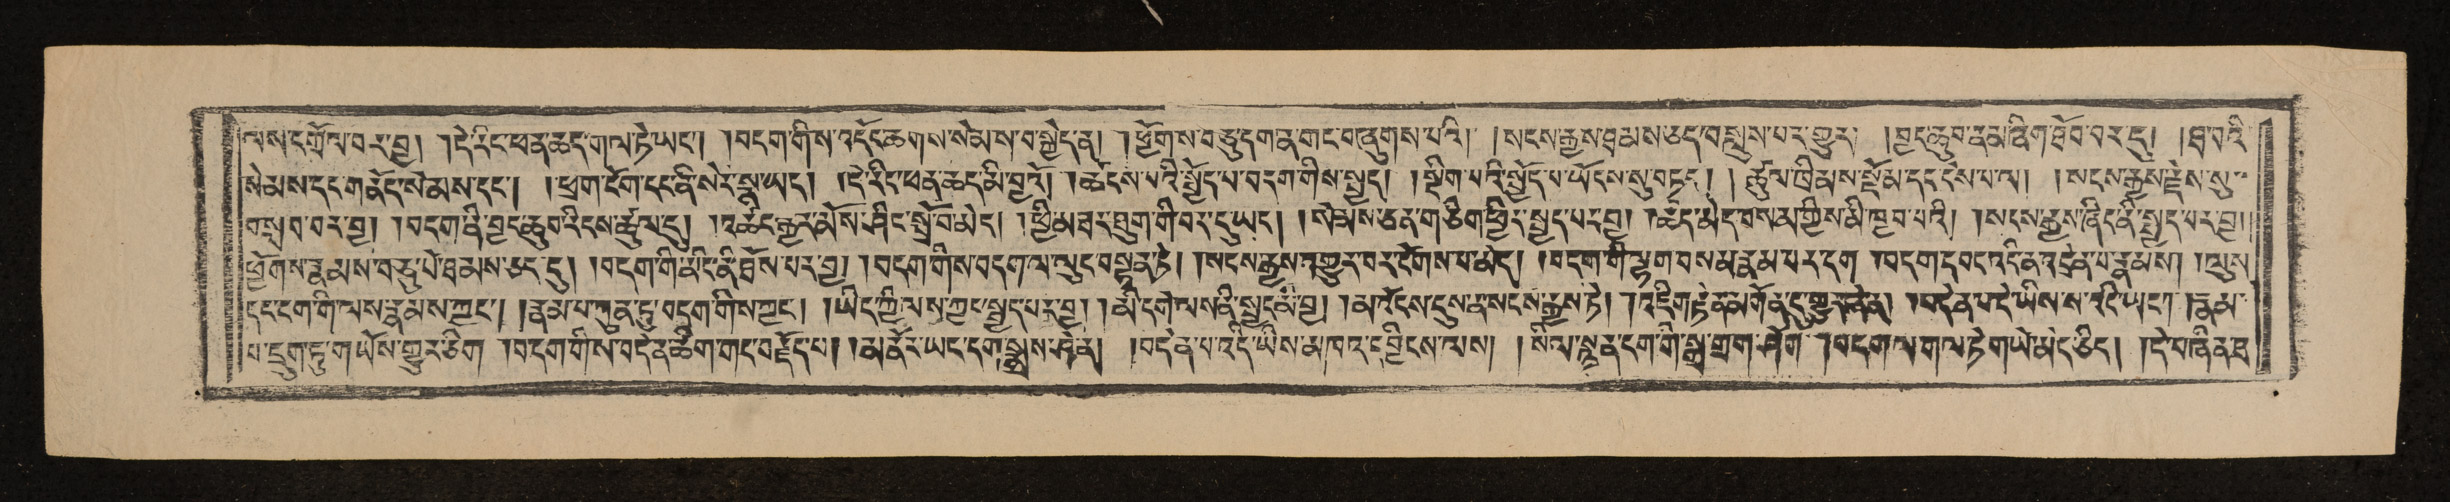ལས་དགྲོལ་བར་བྱ། །དེ་རིང་ཕན་ཆད་གལ་ཏེ་ཡང་། །བདག་གིས་འདོད་ཆགས་སེམས་བསྐྱེད་ན། །ཕྱོགས་བཅུ་དག་ན་གང་བཞུགས་པའི། །སངས་རྒྱས་ཐམས་ཅད་བསླུས་པར་གྱུར། །བྱང་ཆུབ་ནམ་ཞིག་ཐོབ་པར་དུ། །ཐ་བའི་
སེམས་དང་གནོད་སེམས་དང་། །ཕྲག་དོག་དང་ནི་སེར་སྣ་ཡང་། །དེ་རིང་ཕན་ཆད་མི་བྱའོ། །ཚངས་པའི་སྤྱོད་པ་བདག་གིས་སྤྱད། །སྡིག་པའི་སྤྱོད་པ་ཡོངས་སུ་བཏབ?། །ཚུལ་ཁྲིམས་སྡོམ་དང་ངེས་པ་ལ། །སངས་རྒྱས་རྗེས་སུ་
བསླབ་པར་བྱ། །བདག་ནི་བྱང་ཆུབ་རིངས་ཚུལ་དུ། །འཚང་རྒྱར་མོས་ཤིང་སྤྲོ་བ་མེད། །ཕྱི་མཐར་ཐུག་གི་བར་དུ་ཡང་། །སེམས་ཅན་གཅིག་ཕྱིར་སྤྱད་པར་བྱ། །ཚད་མེད་བསམ་གྱིས་མི་ཁྱབ་པའི། །སངས་རྒྱས་ཞིང་ནི་སྦྱང་བར་བྱ།།
ཕྱོགས་རྣམས་བཅུ་པོ་ཐམས་ཅད་དུ། །བདག་གི་མིང་ནི་ཐོས་པར་བྱ། །བདག་གིས་བདག་ལ་ལུང་བསྟན་ཏེ། །སངས་རྒྱས་འགྱུར་བར་དོགས་པ་མེད། །བདག་གི་ལྷག་བསམ་རྣམ་པར་དག །བདག་དབང་འདི་ན་འདྲེན་པ་རྣམས། །ལུས་
དང་ངག་གི་ལས་རྣམས་ཀྱང་། །རྣམ་པ་ཀུན་ཏུ་བདག་གིས་ཀྱང་། །ཡིད་ཀྱི་ལས་ཀྱང་སྦྱང་བར་བྱ། །མི་དགེ་ལས་ནི་སྤྱད་མི་བྱ། །མ་འོངས་དུས་ན་སངས་རྒྱས་ཏེ། །འཇིག་རྟེན་མགོན་དུ་གྱུར་ཞེ་ན། །བདེན་པ་དེ་ཡིས་ས་འདི་ཡང་། །རྣམ་
པ་དྲུག་ཏུ་གཡོས་གྱུར་ཅིག །བདག་གིས་བདེན་ཚིག་གང་བརྗོད་པ། །མ་ནོར་ཡང་དག་སྨྲས་ཤེ་ན། །བདེན་པ་འདི་ཡིས་མཁའ་དབྱིངས་ལས། །སིལ་སྙན་དག་གི་སྒྲ་གྲག་ཤོག །བདག་ལ་གལ་ཏེ་གཡོ་མེད་ཅིང་། །དེ་བཞིན་ཐ་